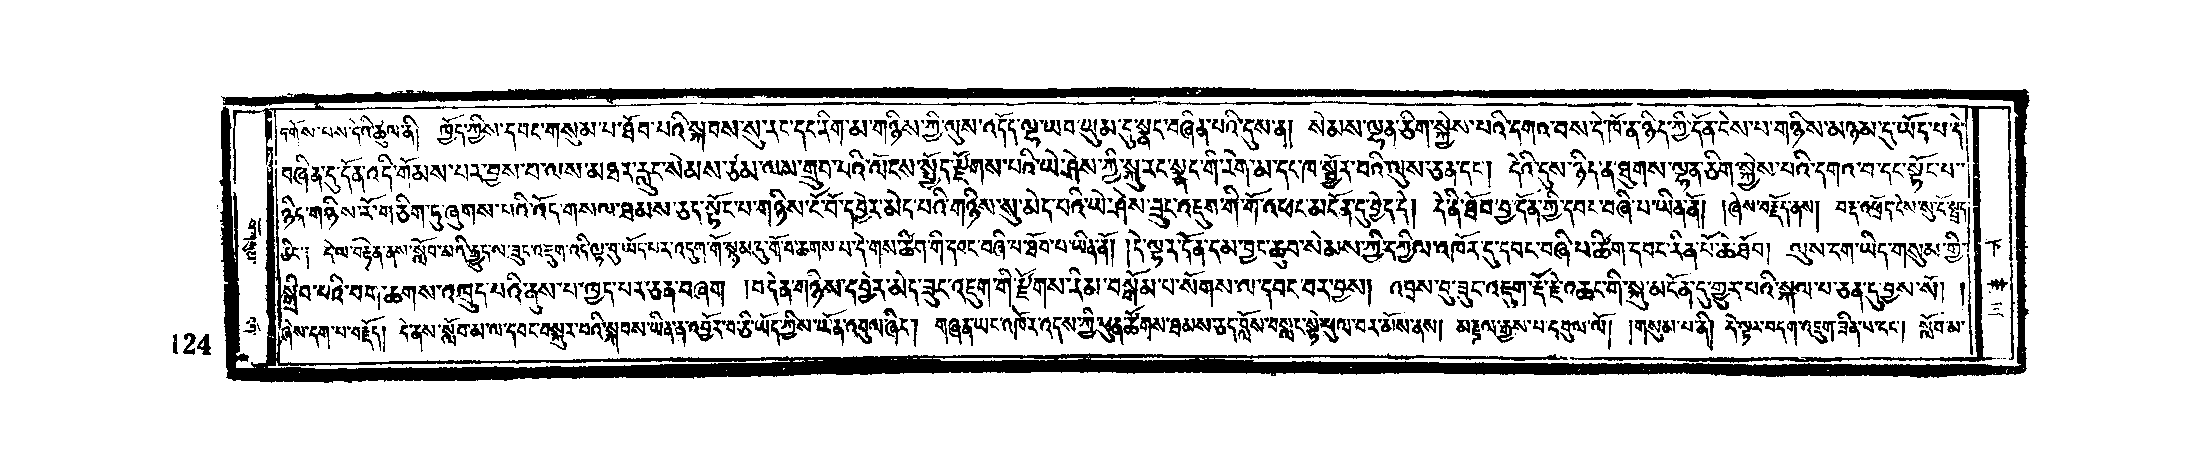དགོས་པས་དེའི་ཚུལ་ནི། ཁྱོད་ཀྱིས་དབང་གསུམ་པ་ཐོབ་པའི་སྐབས་སུ་རང་དང་རིག་མ་གཉིས་ཀྱི་ལུས་འདོད་ལྷ་ཡབ་ཡུམ་དུ་སྣང་བཞིན་པའི་དུས་ན། སེམས་ལྷན་ཅིག་སྐྱེས་པའི་དགའ་བས་དེ་ཁོ་ན་ཉིད་ཀྱི་དོན་ངེས་པ་གཉིས་མཉམ་དུ་ཡོད་པ་དེ་
བཞིན་དུ་དོན་འདི་གོམས་པར་བྱས་པ་ལས་མཐར་རླུང་སེམས་ཙམ་ལས་གྲུབ་པའི་ལོངས་སྤྱོད་རྫོགས་པའི་ཡེ་ཤེས་ཀྱི་སྐུ་རང་སྣང་གི་རིག་མ་དང་ཁ་སྦྱོར་བའི་ལུས་ཅན་དང་། དེའི་དུས་ཉིད་ན་ཐུགས་ལྷན་ཅིག་སྐྱེས་པའི་དགའ་བ་དང་སྟོང་པ་
ཉིད་གཉིས་རོ་གཅིག་ཏུ་ཞུགས་པའི་འོད་གསལ་ཐམས་ཅད་སྟོང་པ་གཉིས་ངོ་བོ་དབྱེར་མེད་པའི་གཉིས་སུ་མེད་པའི་ཡེ་ཤེས་ཟུང་འཇུག་གི་གོ་འཕང་མངོན་དུ་བྱེད་དེ། དེ་ནི་ཐོབ་བྱ་དོན་གྱི་དབང་བཞི་པ་ཡིན་ནོ། །ཞེས་བརྗོད་ནས། བརྡ་འཕྲོད་ངེས་སུ་ངོ་སྤྲད།
ཅིང་། དེ་ལ་བརྟེན་ནས་སློབ་མའི་རྒྱུད་ལ་ཟུང་འཇུག་འདི་ལྟ་བུ་ཡོད་པར་འདུག་གོ་སྙམ་དུ་གོ་བ་ཆགས་པ་དེ་གས་ཚིག་གི་དབང་བཞི་པ་ཐོབ་པ་ཡིན་ནོ། །དེ་ལྟར་དོན་དམ་བྱང་ཆུབ་སེམས་ཀྱི་དཀྱིལ་འཁོར་དུ་དབང་བཞི་པ་ཚིག་དབང་རིན་པོ་ཆེ་ཐོབ། ལུས་ངག་ཡིད་གསུམ་གྱི་
སྒྲིབ་པའི་བག་ཆགས་འཁྲུད་པའི་ནུས་པ་ཁྱད་པར་ཅན་བཞག །བདེན་གཉིས་དབྱེར་མེད་ཟུང་འཇུག་གི་རྫོགས་རིམ་བསྒོམ་པ་སོགས་ལ་དབང་བར་བྱས། འབྲས་བུ་ཟུང་འཇུག་རྡོ་རྗེ་འཆང་གི་སྐུ་མངོན་དུ་གྱུར་པའི་སྐལ་པ་ཅན་དུ་བྱས་སོ། །
ཞེས་དག་པ་བརྗོད། དེ་ནས་སློབ་མ་ལ་དབང་བསྐུར་བའི་སྐབས་ཡིན་ན་འབྱོར་བ་ཅི་ཡོད་ཀྱིས་ཡོན་འབུལ་ཞིང་། གཞན་ཡང་འཁོར་འདས་ཀྱི་ཕུན་ཚོགས་ཐམས་ཅད་བློས་བསླང་སྟེ་ཕུལ་བར་མོས་ནས། མཎྜལ་རྒྱས་པ་དབུལ་ལོ། །གསུམ་པ་ནི། དེ་ལྟར་བདག་འཇུག་ཟིན་པ་དང་། སློབ་མ་